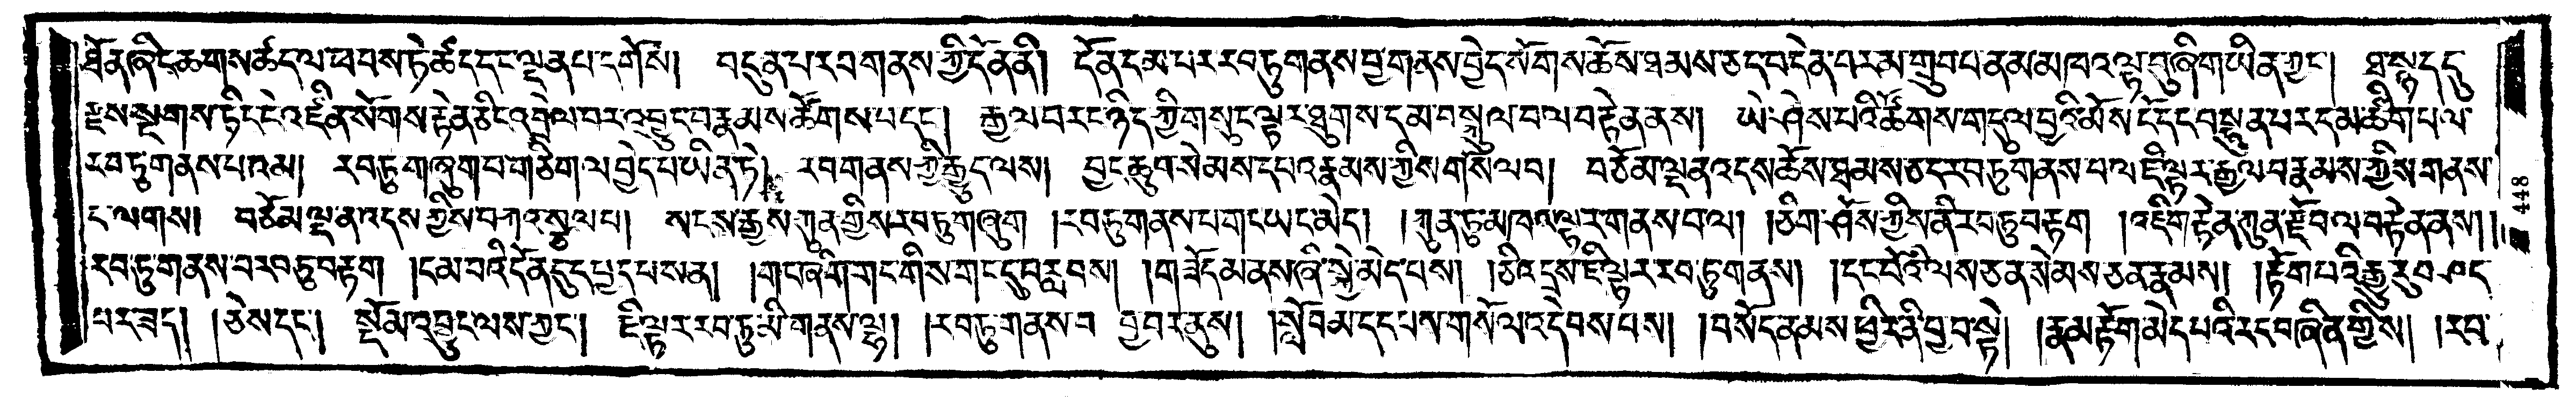ཐོན་ཞིང་ཆགས་ཚད་ལ་ཕབས་ཏེ་ཚད་དང་ལྡན་པ་དགོས། བདུན་པ་རབ་གནས་ཀྱི་དོན་ནི། དོན་དམ་པར་རབ་ཏུ་གནས་བྱ་གནས་བྱེད་སོགས་ཆོས་ཐམས་ཅད་བདེན་པར་མ་གྲུབ་པ་ནམ་མཁའ་ལྟ་བུ་ཞིག་ཡིན་ཀྱང་། ཐ་སྙད་དུ་
རྫས་སྔགས་ཏིང་ངེ་འཛིན་སོགས་རྟེན་ཅིང་འབྲེལ་བར་འབྱུང་བ་རྣམས་ཚོགས་པ་དང་། རྒྱལ་བ་རང་ཉིད་ཀྱི་གསུང་ལྟར་ཐུགས་དམ་བསྐུལ་བ་ལ་བརྟེན་ནས། ཡེ་ཤེས་པའི་ཚོགས་གདུལ་བྱའི་མོས་ངོ་དང་བསྟུན་པར་དམ་ཚིག་པ་ལ་
རབ་ཏུ་གནས་པའམ། རབ་ཏུ་གཞུག་པ་གཅིག་ལ་བྱེད་པ་ཡིན་ཏེ། རབ་གནས་ཀྱི་རྒྱུད་ལས། བྱང་ཆུབ་སེམས་དཔའ་རྣམས་ཀྱིས་གསོལ་བ། བཅོམ་ལྡན་འདས་ཆོས་ཐམས་ཅད་རབ་ཏུ་གནས་པ་ལ་ཇི་ལྟར་རྒྱལ་བ་རྣམས་ཀྱིས་གནས་
ང་ལགས། བཅོམ་ལྡན་འདས་ཀྱིས་བཀའ་སྩལ་པ། སངས་རྒྱས་ཀུན་གྱིས་རབ་ཏུ་གཞུག །རབ་ཏུ་གནས་པ་གང་ཡང་མེད། །ཀུན་ཏུ་མཁའ་ལྟར་གནས་པ་ལ། །ཅིག་ཤོས་ཀྱི་ནི་རབ་ཏུ་བརྟག །འཇིག་རྟེན་ཀུན་རྫོབ་ལ་བརྟེན་ནས། །
རབ་ཏུ་གནས་བ་རབ་ཏུ་བརྟག། །དམ་པའི་དོན་དུ་དཔྱད་པས་ན། གང་ཞིག་གང་གིས་གང་དུ་བརླབས། །གཟོད་མ་ནས་ཞི་སྐྱེ་མེད་པས། །ཅི་འདྲས་ཇི་ལྟར་རབ་ཏུ་གནས། །དང་པོའི་ལས་ཅན་སེམས་ཅན་རྣམས། །རྟོག་པའི་རྒྱུ་རུ་བཤད་
པར་ཟད། །ཅེས་དང་། སྡོམ་འབྱུང་ལས་ཀྱང་། ཇི་ལྟར་རབ་ཏུ་མི་གནས་ལྷ། །རབ་ཏུ་གནས་པ་བྱ་བར་ནུས། །སློབ་མ་དང་པས་གསོལ་འདེབས་པས། །བསོད་ནམས་ཕྱིར་ནི་བྱ་བ་སྟེ། །རྣམ་རྟོག་མེད་པའི་རང་བཞིན་གྱིས། །རབ་